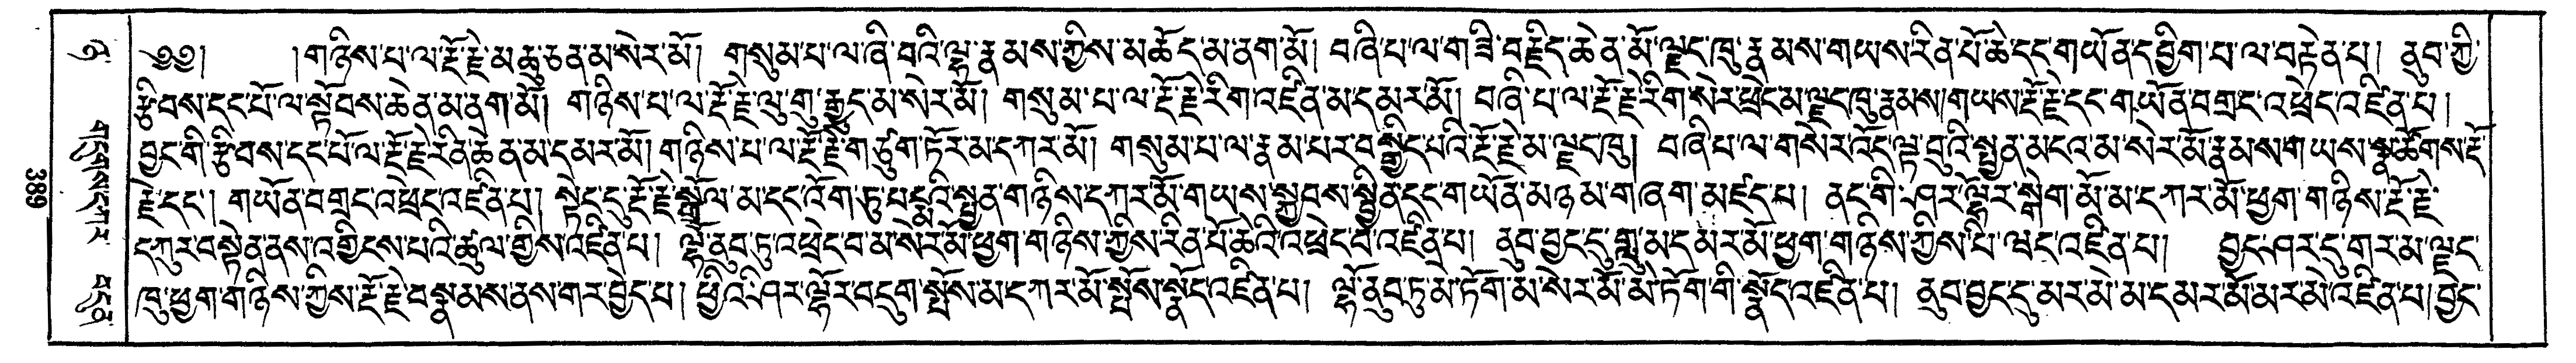༄༅། །གཉིས་པ་ལ་རྡོ་རྗེ་མཆུ་ཅན་མ་སེར་མོ། གསུམ་པ་ལ་ཞི་བའི་ལྷ་རྣམས་ཀྱིས་མཆོད་མ་ནག་མོ། བཞི་པ་ལ་གཟི་བརྗིད་ཆེན་མོ་ལྗང་ཁུ་རྣམས་གཡས་རིན་པོ་ཆེ་དང་གཡོན་དབྱིག་པ་ལ་བརྟེན་པ། ནུབ་ཀྱི་
རྩིབས་དང་པོ་ལ་སྟོབས་ཆེན་མ་ནག་མོ། གཉིས་པ་ལ་རྡོ་རྗེ་ལུ་གུ་རྒྱུད་མ་སེར་མོ། གསུམ་པ་ལ་རྡོ་རྗེ་རིག་འཛིན་མ་དམར་མོ། བཞི་པ་ལ་རྡོ་རྗེ་རིག་སེར་ཕྲེང་མ་ལྗང་ཁུ་རྣམས། གཡས་རྡོ་རྗེ་དང་གཡོན་བགྲང་འཕྲེང་འཛིན་པ།
བྱང་གི་རྩིབས་དང་པོ་ལ་རྡོ་རྗེ་རིན་ཆེན་མ་དམར་མོ། གཉིས་པ་ལ་རྡོ་རྗེ་གཙུག་ཏོར་མ་དཀར་མོ། གསུམ་པ་ལ་རྣམ་པར་བསྒྱིང་བའི་རྡོ་རྗེ་མ་ལྗང་ཁུ། བཞི་པ་ལ་གསེར་འོད་ལྟ་བུའི་སྤྱན་མངའ་མ་སེར་མོ་རྣམས་གཡས་སྣ་ཚོགས་རྡོ་
རྗེ་དང་། གཡོན་བགྲང་འཕྲེང་འཛིན་པ། སྟེང་དུ་རྡོ་རྗེ་སྒྲོལ་མ་དང་འོག་ཏུ་པདམའི་སྤྱན་གཉིས་དཀར་མོ་གཡས་སྐྱབས་སྦྱིན་དང་གཡོན་མཉམ་གཞག་མཛད་པ། ནང་གི་ཤར་ལྷོར་སྒེག་མོ་མ་དཀར་མོ་ཕྱག་གཉིས་རྡོ་རྗེ་
དཀུར་བསྟེན་ནས་འགྱིངས་པའི་ཚུལ་གྱིས་འཛིན་པ། ལྷོ་ནུབ་ཏུ་འཕྲེང་བ་མ་སེར་མོ་ཕྱག་གཉིས་ཀྱིས་རིན་པོ་ཆེའི་འཕྲེང་བ་འཛིན་པ། ནུབ་བྱང་དུ་གླུ་མ་དམར་མོ་ཕྱག་གཉིས་ཀྱིས་པི་ཝང་འཛིན་པ། བྱང་ཤར་དུ་གར་མ་ལྗང་
ཁུ་ཕྱག་གཉིས་ཀྱིས་རྡོ་རྗེ་བསྣམས་ནས་གར་བྱེད་པ། ཕྱིའི་ཤིར་ལྷོར་བདུག་སྤོས་མ་དཀར་མོ་སྤོས་སྣོད་འཛིན་པ། ལྷོ་ནུབ་ཏུ་མེ་ཏོག་མ་སེར་མོ་མེ་ཏོག་གི་སྣོད་འཛིན་པ། ནུབ་བྱང་དུ་མར་མེ་མ་དམར་མོ་མར་མེ་འཛིན་པ། བྱང་